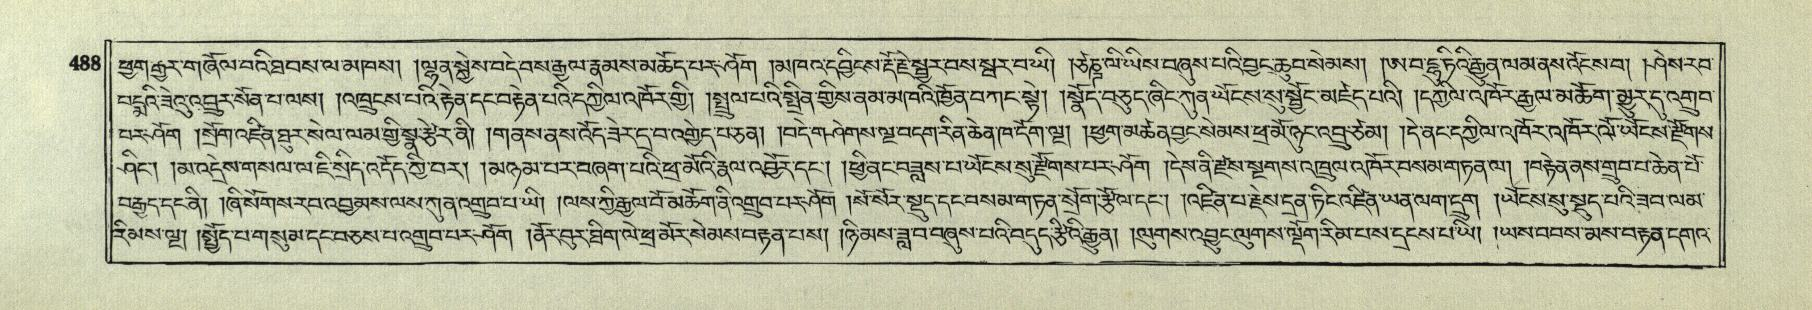ཕྱག་རྒྱར་གཞོལ་བའི་ཐབས་ལ་མཁས། །ལྷན་སྐྱེས་བདེ་བས་རྒྱལ་རྣམས་མཆོད་པར་ཤོག །མཁའ་དབྱིངས་རྡོ་རྗེ་སྦྱར་བས་སྦར་བ་ཡི། །ཙཎྜ་ལི་ཡིས་བཞུས་པའི་བྱང་ཆུབ་སེམས། །ཨ་བ་དྷུ་ཏིའི་རྒྱུན་ལམ་ནས་འོངས་བ། །ཤེས་རབ་
པདམའི་ཟེའུ་འབྲུར་སོན་པ་ལས། །འཁྲུངས་པའི་རྟེན་དང་བརྟེན་པའི་དཀྱིལ་འཁོར་གྱི། །སྤྲུལ་པའི་སྤྲིན་གྱིས་ནམ་མཁའི་ཁྱོན་བཀང་སྟེ། །སྣོད་བཅུད་ཞིང་ཀུན་ཡོངས་སུ་སྦྱོང་མཛད་པའི། །དཀྱིལ་འཁོར་རྒྱལ་མཆོག་མྱུར་དུ་འགྲུབ་
པར་ཤོག །སྲོག་འཛིན་ཐུར་སེལ་ལམ་གྱི་སྣ་རྩེར་ནི། །གནས་ནས་འོད་ཟེར་དྲ་བ་འགྱེད་པ་ཅན། །བདེ་གཤེགས་ལྔ་བདག་རིན་ཆེན་ཁ་དོག་ལྔ། །ཕྱག་མཚན་བྱང་སེམས་ཕྲ་མོ་ཉུང་འབྲུ་ཙམ། །དེ་ནང་དཀྱིལ་འཁོར་འཁོར་ལོ་ཡོངས་རྫོགས་
ཤིང་། །མ་འདྲེས་གསལ་ལ་ཇི་སྲིད་འདོད་ཀྱི་བར། །མཉམ་པར་བཞག་པའི་ཕྲ་མོའི་རྣལ་འབྱོར་དང་། །ཕྱི་ནང་བཟླས་པ་ཡོངས་སུ་རྫོགས་པར་ཤོག །དེས་ནི་རྫས་སྔགས་འཁྲུལ་འཁོར་བསམ་གཏན་ལ། །བརྟེན་ནས་གྲུབ་པ་ཆེན་པོ་
བརྒྱད་དང་ནི། །ཞི་སོགས་རབ་འབྱམས་ལས་ཀུན་འགྲུབ་པ་ཡི། །ལས་ཀྱི་རྒྱལ་བོ་མཆོག་ནི་འགྲུབ་པར་ཤོག །སོ་སོར་སྡུད་དང་བསམ་གཏན་སྲོག་རྩོལ་དང་། །འཛིན་པ་རྗེས་དྲན་ཏིང་འཛིན་ཡན་ལག་དྲུག །ཡོངས་སུ་སྡུད་པའི་ཟབ་ལམ་
རིམས་ལྔ། །སྤྱོད་པ་གསུམ་དང་བཅས་པ་འགྲུབ་པར་ཤོག །ནོར་བུར་ཐིག་ལེ་ཕྲ་མོར་སེམས་བརྟན་པས། །ཉི་མས་ཟླ་བ་བཞུས་པའི་བདུད་རྩིའི་རྒྱུན། །ལུགས་འབྱུང་ལུགས་ལྡོག་རིམ་པས་དྲངས་པ་ཡི། །ཡས་བབས་མས་བརྟན་དགའ་